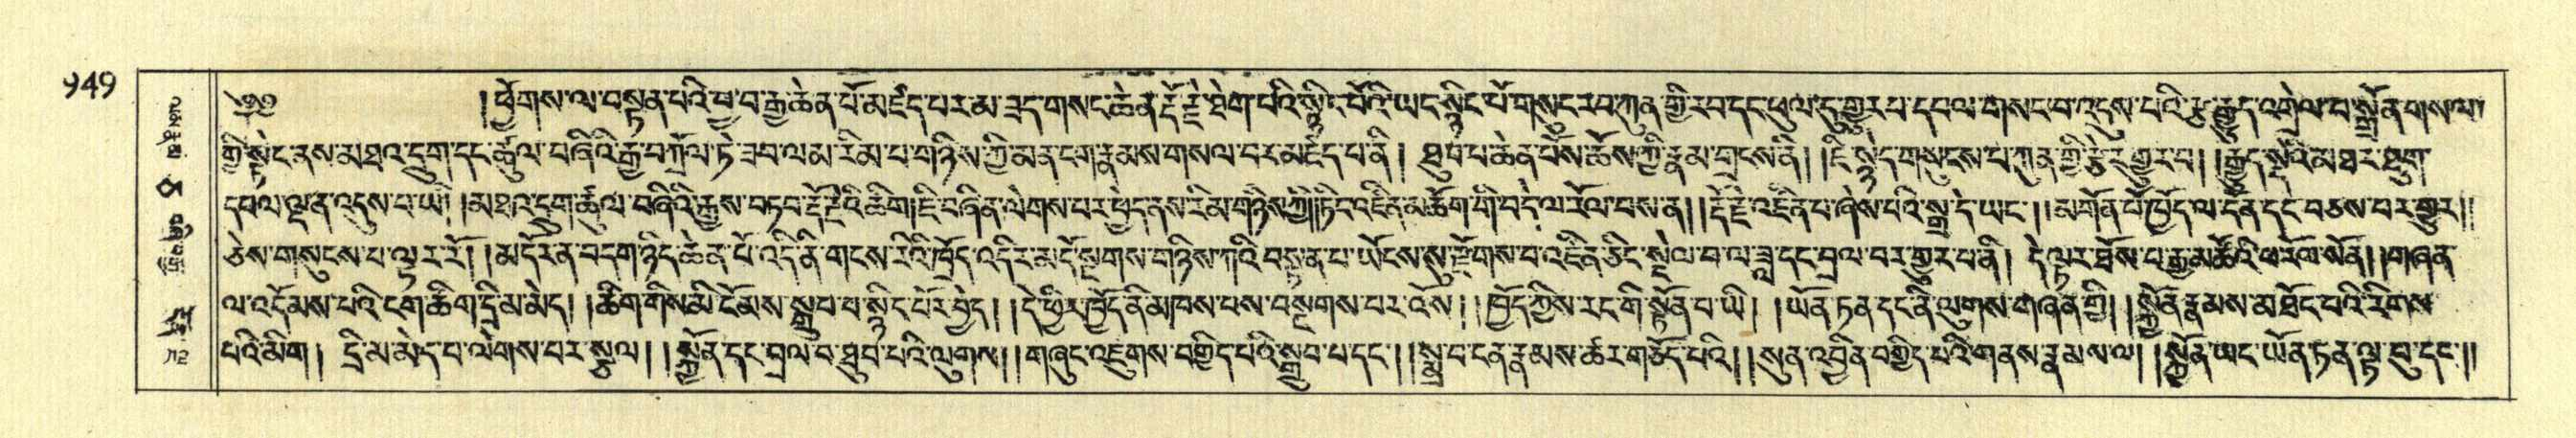༄༅། །ཕྱོགས་ལ་བསྟན་པའི་བྱ་བ་རྒྱ་ཆེན་པོ་མཛད་པར་མ་ཟད་གསང་ཆེན་རྡོ་རྗེ་ཐེག་པའི་སྙིང་པོའི་ཡང་སྙིང་པོ་གསུང་རབ་ཀུན་གྱི་རབ་དང་ཕུལ་དུ་གྱུར་པ་དཔལ་གསང་བ་འདུས་པའི་རྩ་རྒྱུད་འགྲེལ་པ་སྒྲོན་གསལ།
གྱི་སྟེང་ནས་མཐའ་དྲུག་དང་ཚུལ་བཞིའི་རྒྱ་བཀྲོལ་ཏེ་ཟབ་ལམ་རིམ་པ་གཉིས་ཀྱི་མན་ངག་རྣམས་གསལ་བར་མཛད་པ་ནི། ཐུབ་པ་ཆེན་པོས་ཆོས་ཀྱི་རྣམ་གྲངས་ནི། །ཇི་སྙེད་གསུངས་པ་ཀུན་གྱི་རྩེར་གྱུར་པ། །རྒྱུད་སྡེའི་མཐར་ཐུག་
དཔལ་ལྡན་འདུས་པ་ཡི། །མཐའ་དྲུག་ཚུལ་བཞིའི་རྒྱས་བཏབ་རྡོ་རྗེའི་ཆིག། ཇི་བཞིན་ལེགས་པར་ཕྱེད་ནས་རིམ་གཉིས་ཀྱི། །ཏིང་འཛིན་མཆོག་གི་བདེ་ལ་རོལ་བས་ན། །རྡོ་རྗེ་འཛིན་པ་ཞེས་པའི་སྒྲ་དེ་ཡང་། །མགོན་པོ་ཁྱོད་ལ་དོན་དང་བཅས་པར་གྱུར།།
ཅེས་གསུངས་པ་ལྟར་རོ། །མདོར་ན་བདག་ཉིད་ཆེན་པོ་འདི་ནི་གངས་རིའི་ཁྲོད་འདིར་མདོ་སྔགས་གཉིས་ཀའི་བསྟན་པ་ཡོངས་སུ་རྫོགས་བ་འཛིན་ཅིང་སྡེལ་བ་ལ་ཟླ་དང་བྲལ་བར་གྱུར་པ་ནི། དེ་ལྟར་ཐོས་པ་རྒྱ་མཚོའི་ཕ་རོལ་སོན། །གཞན་
ལ་འདོམས་པའི་ངག་ཚིག་དྲི་མ་མེད། །ཚིག་གིས་མི་ངོམས་སྒྲུབ་པ་སྙིང་པོར་བྱེད། །དེ་ཕྱིར་ཁྱོད་ནི་མཁས་པས་བསྔགས་པར་འོས། །ཁྱོད་ཀྱིས་རང་གི་སྟོན་པ་ཡི། །ཡོན་ཏན་དང་ནི་ལུགས་གཞན་གྱི། །སྐྱོན་རྣམས་མཐོང་པའི་རིགས་
པའི་མིག། དྲི་མ་མེད་པ་ལེགས་པར་སྩལ། །སྐྱོན་དང་བྲལ་བ་ཐུབ་པའི་ལུགས། །གཞུང་འཇུགས་བགྱིད་པའི་སྒྲུབ་པ་དང་། །སྨྲ་བ་ངན་རྣམས་ཚར་གཅོད་པའི། །སུན་འབྱིན་བགྱིད་པའི་གནས་རྣམས་ལ། །སྐྱོན་ཡང་ཡོན་ཏན་ལྟ་བུ་དང།།